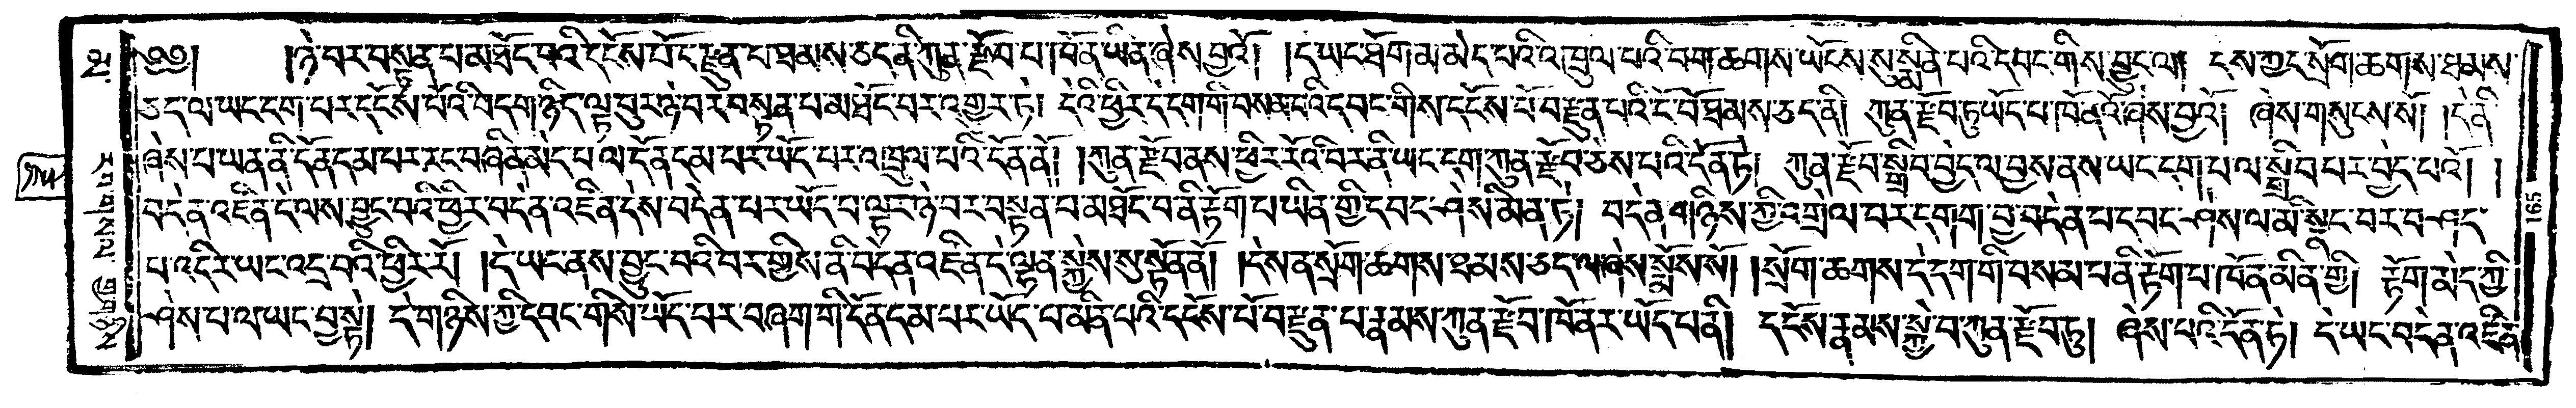༄༅། །ཉེ་བར་བསྟན་པ་མཐོང་བའི་དངོས་པོ་བརྫུན་པ་ཐམས་ཅད་ནི་ཀུན་རྫོབ་པ་ཁོ་ན་ཡིན་ཞེས་བྱའོ། །དེ་ཡང་ཐོག་མ་མེད་པའི་འཁྲུལ་པའི་བག་ཆགས་ཡོངས་སུ་སྨིན་པའི་དབང་གིས་བྱུང་ལ། དེས་ཀྱང་སྲོག་ཆགས་ཐམས་
ཅད་ལ་ཡང་དག་པར་དངོས་པོའི་བདག་ཉིད་ལྟ་བུར་ཉེ་བར་བསྟན་པ་མཐོང་བར་འགྱུར་ཏེ། དེའི་ཕྱིར་དེ་དག་གི་བསམ་པའི་དབང་གིས་དངོས་པོ་བརྫུན་པའི་ངོ་བོ་ཐམས་ཅད་ནི། ཀུན་རྫོབ་ཏུ་ཡོད་པ་ཁོ་ནའོ་ཞེས་བྱའོ། ཞེས་གསུངས་སོ། །དེ་ནི་
ཞེས་པ་ཡན་ནི་དོན་དམ་པར་རང་བཞིན་མེད་པ་ལ་དོན་དམ་པར་ཡོད་པར་འཁྲུལ་པའི་དོན་ནོ། །ཀུན་རྫོབ་ནས་ཕྱིར་རོའི་བར་ནི་ཡང་དག་ཀུན་རྫོབ་ཅེས་པའི་དོན་ཏེ། ཀུན་རྫོབ་སྒྲིབ་བྱེད་ལ་བྱས་ནས་ཡང་དག་པ་ལ་སྒྲིབ་པར་བྱེད་པའོ།།
བདེན་འཛིན་དེ་ལས་བྱུང་བའི་ཕྱིར་བདེན་འཛིན་དེས་བདེན་པར་ཡོད་པ་ལྟར་ཉེ་བར་བསྟན་པ་མཐོང་བ་ནི་རྟོག་པ་ཡིན་གྱི་དབང་ཤེས་མིན་ཏེ། བདེན་གཉིས་ཀྱི་འགྲེལ་པར་དགག་བྱ་བདེན་པ་དབང་ཤེས་ལ་མི་སྣང་བར་བཤད་
པ་འདིར་ཡང་འདྲ་བའི་ཕྱིར་རོ། །དེ་ཡང་ནས་བྱུང་བའི་བར་གྱིས་ནི་བདེན་འཛིན་དེ་ལྷན་སྐྱེས་སུ་སྟོན་ཏོ། །དེས་ན་སྲོག་ཆགས་ཐམས་ཅད་ལ་ཞེས་སྨོས་སོ། །སྲོག་ཆགས་དེ་དག་གི་བསམ་པ་ནི་རྟོག་པ་ཁོ་ན་མིན་གྱི། རྟོག་མེད་ཀྱི་
ཤེས་པ་ལ་ཡང་བྱ་སྟེ། དེ་གཉིས་ཀྱི་དབང་གིས་ཡོད་པར་བཞག་པའི་དོན་དམ་བར་ཡོད་པ་མིན་པའི་དངོས་པོ་བརྫུན་པ་རྣམས་ཀུན་རྫོབ་ཁོ་ནར་ཡོད་པ་ནི། དངོས་རྣམས་སྐྱེ་བ་ཀུན་རྫོབ་ཏུ། ཞེས་པའི་དོན་ཏེ། དེ་ཡང་བདེན་འཛིན་